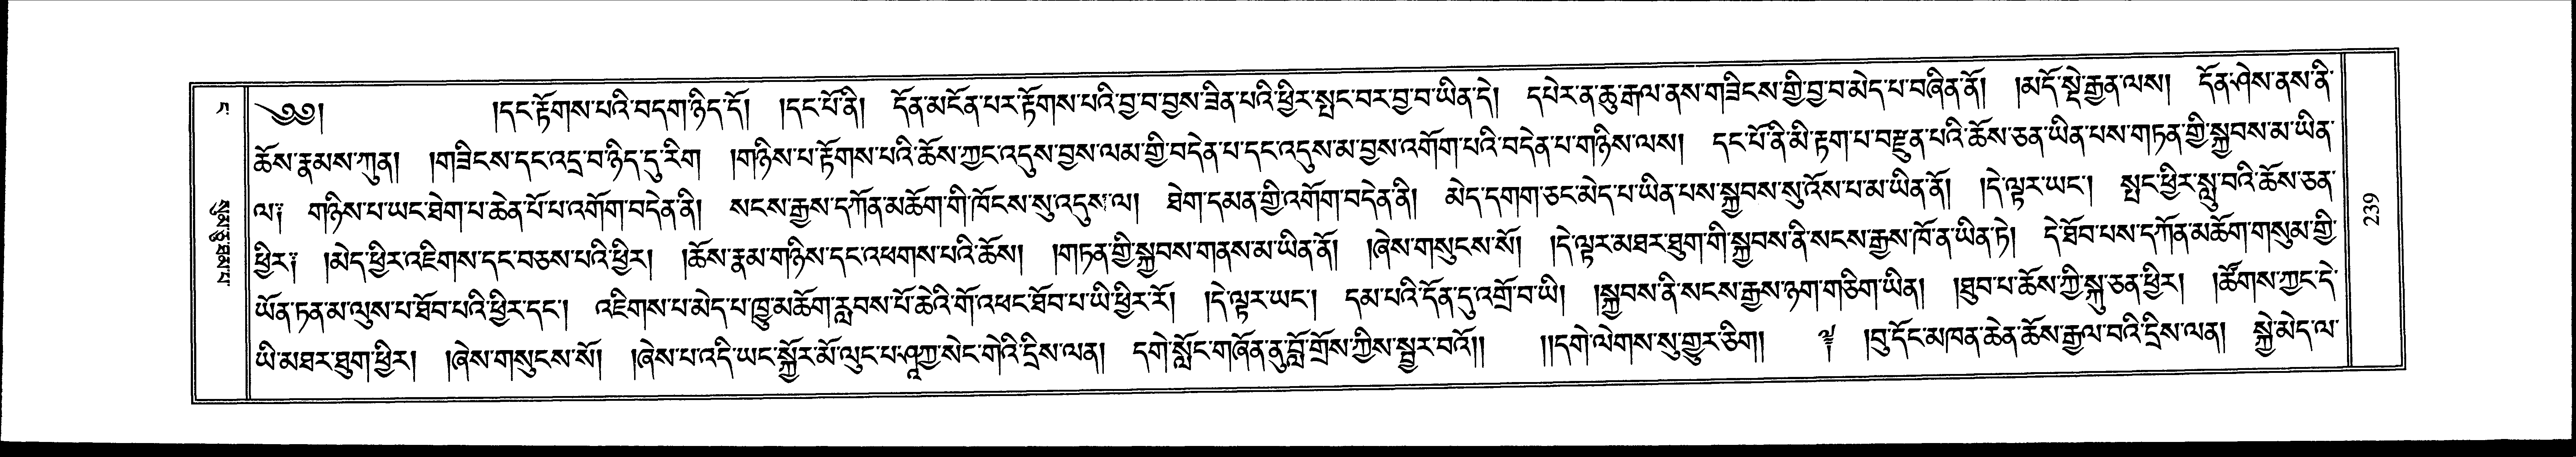༄༅། །དང་རྟོགས་པའི་བདག་ཉིད་དོ། །དང་པོ་ནི། དོན་མངོན་པར་རྟོགས་པའི་བྱ་བ་བྱས་ཟིན་པའི་ཕྱིར་སྤང་བར་བྱ་བ་ཡིན་དེ། དཔེར་ན་ཆུ་རྒལ་ནས་གཟིངས་གྱི་བྱ་བ་མེད་པ་བཞིན་ནོ། །མདོ་སྡེ་རྒྱན་ལས། དོན་ཤེས་ནས་ནི་
ཆོས་རྣམས་ཀུན། །གཟིངས་དང་འདྲ་བ་ཉིད་དུ་རིག །གཉིས་པ་རྟོགས་པའི་ཆོས་ཀྱང་འདུས་བྱས་ལམ་གྱི་བདེན་པ་དང་འདུས་མ་བྱས་འགོག་པའི་བདེན་པ་གཉིས་ལས། དང་པོ་ནི་མི་རྟག་པ་བརྫུན་པའི་ཆོས་ཅན་ཡིན་པས་གཏན་གྱི་སྐྱབས་མ་ཡིན་
ལ། གཉིས་པ་ཡང་ཐེག་པ་ཆེན་པོ་པ་འགོག་བདེན་ནི། སངས་རྒྱས་དཀོན་མཆོག་གི་ཁོངས་སུ་འདུས་ལ། ཐེག་དམན་གྱི་འགོག་བདེན་ནི། མེད་དགག་ཅང་མེད་པ་ཡིན་པས་སྐྱབས་སུ་འོས་པ་མ་ཡིན་ནོ། །དེ་ལྟར་ཡང་། སྤང་ཕྱིར་སླུ་བའི་ཆོས་ཅན་
ཕྱིར། །མེད་ཕྱིར་འཇིགས་དང་བཅས་པའི་ཕྱིར། །ཆོས་རྣམ་གཉིས་དང་འཕགས་པའི་ཆོས། །གཏན་གྱི་སྐྱབས་གནས་མ་ཡིན་ནོ། །ཞེས་གསུངས་སོ། །དེ་ལྟར་མཐར་ཐུག་གི་སྐྱབས་ནི་སངས་རྒྱས་ཁོ་ན་ཡིན་ཏེ། དེ་ཐོབ་པས་དཀོན་མཆོག་གསུམ་གྱི་
ཡོན་ཏན་མ་ལུས་པ་ཐོབ་པའི་ཕྱིར་དང་། འཇིགས་པ་མེད་པ་ཁྱུ་མཆོག་རླབས་པོ་ཆེའི་གོ་འཕང་ཐོབ་པ་ཡི་ཕྱིར་རོ། །དེ་ལྟར་ཡང་། དམ་པའི་དོན་དུ་འགྲོ་བ་ཡི། །སྐྱབས་ནི་སངས་རྒྱས་ཉག་གཅིག་ཡིན། །ཐུབ་པ་ཆོས་ཀྱི་སྐུ་ཅན་ཕྱིར། །ཚོགས་ཀྱང་དེ་
ཡི་མཐར་ཐུག་ཕྱིར། །ཞེས་གསུངས་སོ། །ཞེས་པ་འདི་ཡང་སྐྱོར་མོ་ལུང་པ་ཤཱཀྱ་སེང་གེའི་དྲིས་ལན། དགེ་སློང་གཞོན་ནུ་བློ་གྲོས་ཀྱིས་སྦྱར་བའོ།། །།དགེ་ལེགས་སུ་གྱུར་ཅིག། ༈ །བུ་དོང་མཁན་ཆེན་ཆོས་རྒྱལ་བའི་དྲིས་ལན། སྐྱེ་མེད་ལ་